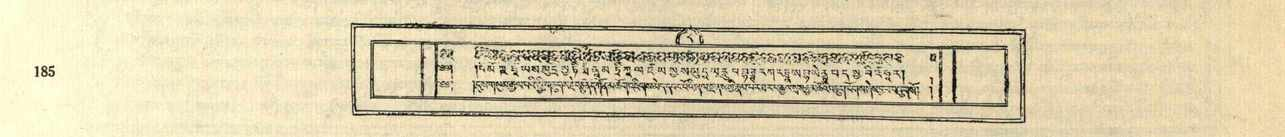༄༅། །བོ་མོ་ཀྵ་ཛཱ་ཡས་མུདྲ་སྱ་ཏི་ལཾ་ནཱ་མ་ཏྲི་ཀཱ་ལ་ཛ་ཡ་སྱ་ས་མུ་དཱ་ཡ་རཱུ་པ་བྷ་ཊྚ་ར་ཀ་ར་ཏྣ་ཨ་བྷ་ཡེནྟཱ་པད་སྱ་བི་ཛ་ཧཱ་ར།
༄༅། །དུས་གསུམ་རྒྱལ་བའི་སྤྱི་གཟུགས་རྗེ་བཙུན་དཀོན་མཆོག་འཇིགས་མེད་དབང་པོའི་ཞལ་སྔ་ནས་ཀྱི་རྣམ་པར་ཐར་པ་རྒྱལ་སྲས་རྒྱ་མཚོའི་འཇུག་ངོགས་ཞེས་བྱ་བ་བཞུགས་སོ། །